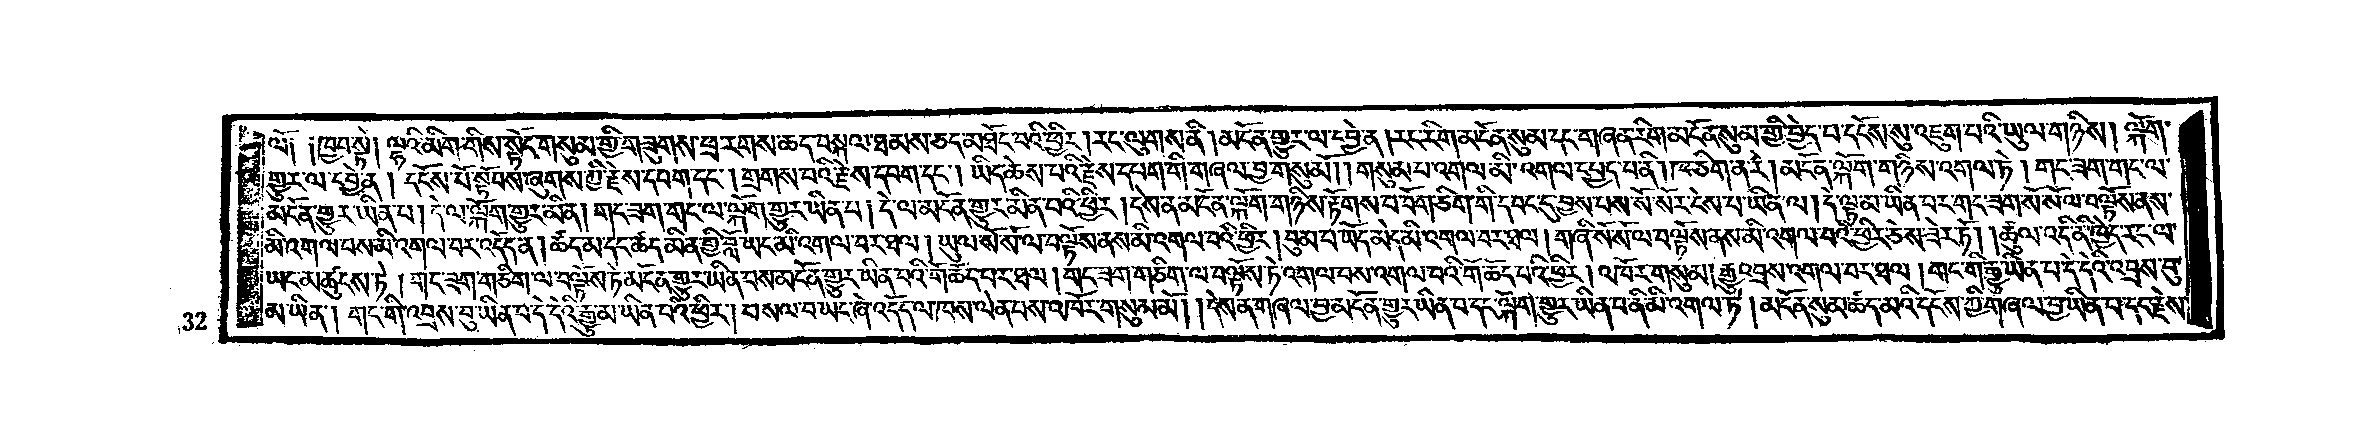ལོ༑ ༑ཁྱབ་སྟེ། ལྷའི་མིག་གིས་སྟོང་གསུམ་གྱི་གཟུགས་ཕྲ་རགས་ཆད་བསྐལ་ཐམས་ཅད་མཐོང་བའི་ཕྱིར། རང་ལུགས་ནི། མངོན་གྱུར་ལ་དབྱེ་ན། རང་རིག་མངོན་སུམ་དང་གཞན་རིག་མངོན་སུམ་གྱི་བྱེད་པ་དངོས་སུ་འཇུག་པའི་ཡུལ་གཉིས། ལྐོག་
གྱུར་ལ་དབྱེ་ན། དངོས་པོ་སྟོབས་ཞུགས་ཀྱི་རྗེས་དཔག་དང་། གྲགས་པའི་རྗེས་དཔག་དང་། ཡིད་ཆེས་པའི་རྗེས་དཔག་གི་གཞལ་བྱ་གསུམ་མོ། །གསུམ་པ་འགལ་མི་འགལ་དཔྱད་པ་ནི། ཁ་ཅིག་ན་རེ། མངོན་ལྐོག་གཉིས་འགལ་ཏེ། གང་ཟག་གང་ལ་
མངོན་གྱུར་ཡིན་པ། དེ་ལ་ལྐོག་གྱུར་མིན། གང་ཟག་གང་ལ་ལྐོག་གྱུར་ཡིན་པ། དེ་ལ་མངོན་གྱུར་མིན་པའི་ཕྱིར། དེས་ན་མངོན་ལྐོག་གཉིས་རྟོགས་པ་བོག་ཅིག་གི་དབང་དུ་བྱས་པས་སོ་སོར་ངེས་པ་ཡིན་ལ། དེ་ལྟ་མ་ཡིན་པར་གང་ཟག་སོ་སོ་ལ་བལྟོས་ནས་
མི་འགལ་བས་མི་འགལ་བར་འདོད་ན། ཚད་མ་དང་ཚད་མིན་གྱི་བློ་ཡང་མི་འགལ་བར་ཐལ། ཡུལ་སོ་སོ་ལ་བལྟོས་ནས་མི་འགལ་བའི་ཕྱིར། བུམ་པ་ཡོད་མེད་མི་འགལ་བར་ཐལ། གཞི་སོ་སོ་ལ་བལྟོས་ནས་མི་འགལ་བའི་ཕྱིར་ཅེས་ཟེར་ཏོ། །ཚུལ་འདི་ནི་ཁྱེད་རང་ལ་
ཡང་མཚུངས་ཏེ། གང་ཟག་གཅིག་ལ་བལྟོས་ཏེ་མངོན་གྱུར་ཡིན་པས་མངོན་གྱུར་ཡིན་པའི་གོ་ཆོད་པར་ཐལ། གང་ཟག་གཅིག་ལ་བལྟོས་ཏེ་འགལ་བས་འགལ་བའི་གོ་ཆོད་པའི་ཕྱིར། འཁོར་གསུམ། རྒྱུ་འབྲས་འགལ་བར་ཐལ། གང་གི་རྒྱུ་ཡིན་པ་དེ་དེའི་འབྲས་བུ་
མ་ཡིན། གང་གི་འབྲས་བུ་ཡིན་པ་དེ་དེའི་རྒྱུ་མ་ཡིན་པའི་ཕྱིར། བསལ་བ་ཡང་ཞེ་འདོད་ལ་ཁས་ལེན་པས་འཁོར་གསུམ་མོ། །དེས་ན་གཞལ་བྱ་མངོན་གྱུར་ཡིན་པ་དང་ལྐོག་གྱུར་ཡིན་པ་ནི་མི་འགལ་ཏེ། མངོན་སུམ་ཚད་མའི་དངོས་ཀྱི་གཞལ་བྱ་ཡིན་པ་དང་རྗེས་